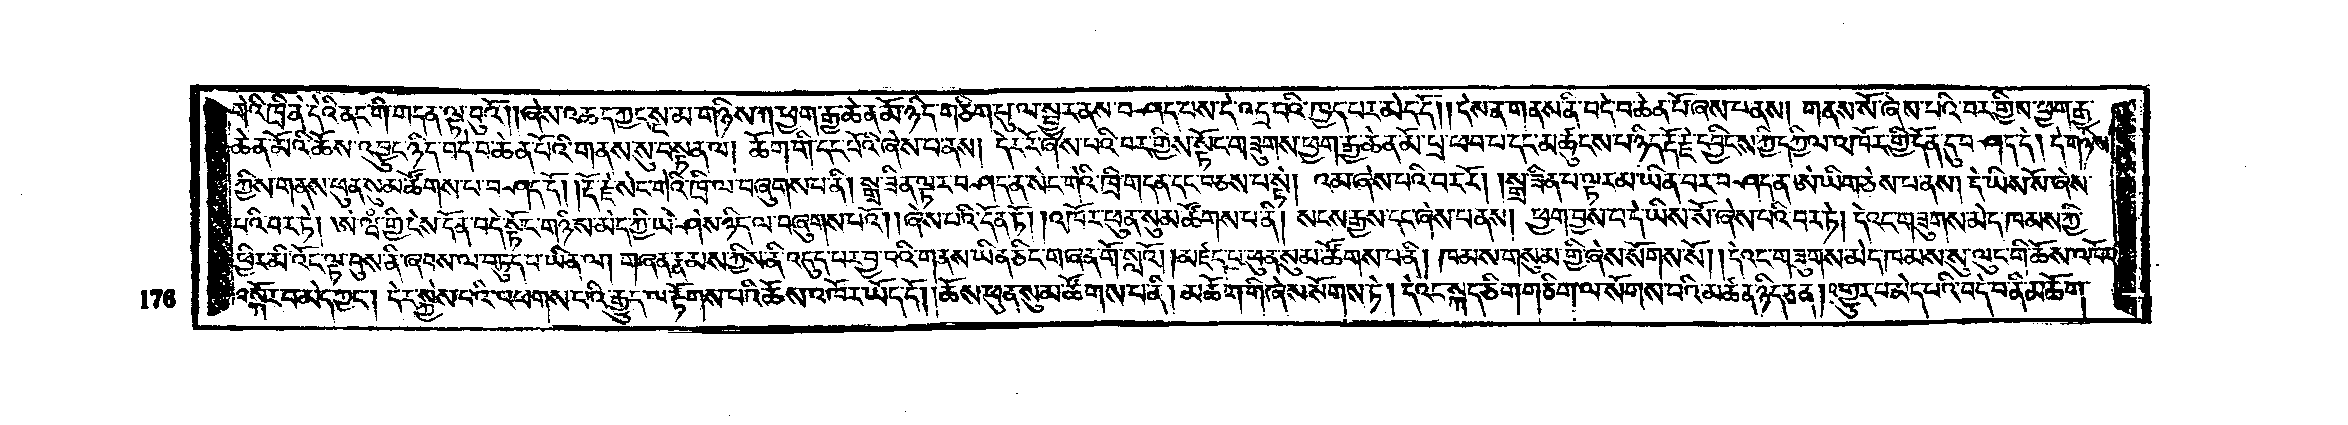གེའི་ཁྲི་ནི་དེའི་ནང་གི་གདན་ལྟ་བུའོ། །ཞེས་འཆད་ཀྱང་སྔ་མ་གཉིས་ཀ་ཕྱག་རྒྱ་ཆེན་མོ་ཉིད་གཅིག་པུ་ལ་སྦྱར་ནས་བཤད་པས་དེ་འདྲ་བའི་ཁྱད་པར་མེད་དོ། །དེས་ན་གནས་ནི་བདེ་བ་ཆེན་པོ་ཞེས་པ་ནས། གནས་སོ་ཞེས་པའི་བར་གྱིས་ཕྱག་རྒྱ་
ཆེན་མོའི་ཆོས་འབྱུང་ཉིད་བདེ་བ་ཆེན་པོའི་གནས་སུ་བསྟན་ལ། ཆོག་གི་དང་པོའི་ཞེས་པ་ནས། དེར་རོ་ཞེས་པའི་བར་གྱིས་སྟོང་གཟུགས་ཕྱག་རྒྱ་ཆེན་མོ་པྲ་ཕབ་པ་དང་མཚུངས་པ་ཉིད་རྡོ་རྗེ་དབྱིངས་ཀྱི་དཀྱིལ་འཁོར་གྱི་དོན་དུ་བཤད་དེ། དེ་གཉིས་
ཀྱིས་གནས་ཕུན་སུམ་ཚོགས་པ་བཤད་དོ། །རྡོ་རྗེ་སེང་གེའི་ཁྲི་ལ་བཞུགས་པ་ནི། སྒྲ་ཟིན་ལྟར་བཤད་ན་སེང་གེའི་ཁྲི་གདན་དང་བཅས་པ་སྟེ། འམ་ཞེས་པའི་བར་རོ། །སྒྲ་ཟིན་པ་ལྟར་མ་ཡིན་པར་བཤད་ན་ཨེ་ཡིག་ཅེས་པ་ནས། དེ་ཡིས་སོ་ཞེས་
པའི་བར་ཏེ། ཨ་ཝཾ་གྱི་ངེས་དོན་བདེ་སྟོང་གཉིས་མེད་ཀྱི་ཡེ་ཤེས་ཉིད་ལ་བཞུགས་པའོ། །ཞེས་པའི་དོན་ཏེ། །འཁོར་ཕུན་སུམ་ཚོགས་པ་ནི། སངས་རྒྱས་དང་ཞེས་པ་ནས། ཕྱག་བྱས་པ་དེ་ཡིས་སོ་ཞེས་པའི་བར་ཏེ། དེའང་གཟུགས་མེད་ཁམས་ཀྱི་
ཕྱིར་མི་འོང་ལྟ་བུས་ནི་ཞབས་ལ་བཏུད་པ་ཡིན་ལ། གཞན་རྣམས་ཀྱིས་ནི་འདུད་པར་བྱ་བའི་གནས་ཡིན་ཅིང་གཞན་གོ་སླའོ། །མཛད་པ་ཕུན་སུམ་ཚོགས་པ་ནི། ཁམས་གསུམ་གྱི་ཞེས་སོགས་སོ། །དེའང་གཟུགས་མེད་ཁམས་སུ་ལུང་གི་ཆོས་འཁོར་
བསྐོར་བ་མེད་ཀྱང་། དེར་སྐྱེས་པའི་འཕགས་པའི་རྒྱུད་ལ་རྟོགས་པའི་ཆོས་འཁོར་ཡོད་དོ། །ཆོས་ཕུན་སུམ་ཚོགས་པ་ནི། མཆོག་གི་ཞེས་སོགས་ཏེ། དེའང་སྐད་ཅིག་གཅིག་ལ་སོགས་པའི་མཚན་ཉིད་ཅན། འགྱུར་བ་མེད་པའི་བདེ་བ་ནི་མཆོག་